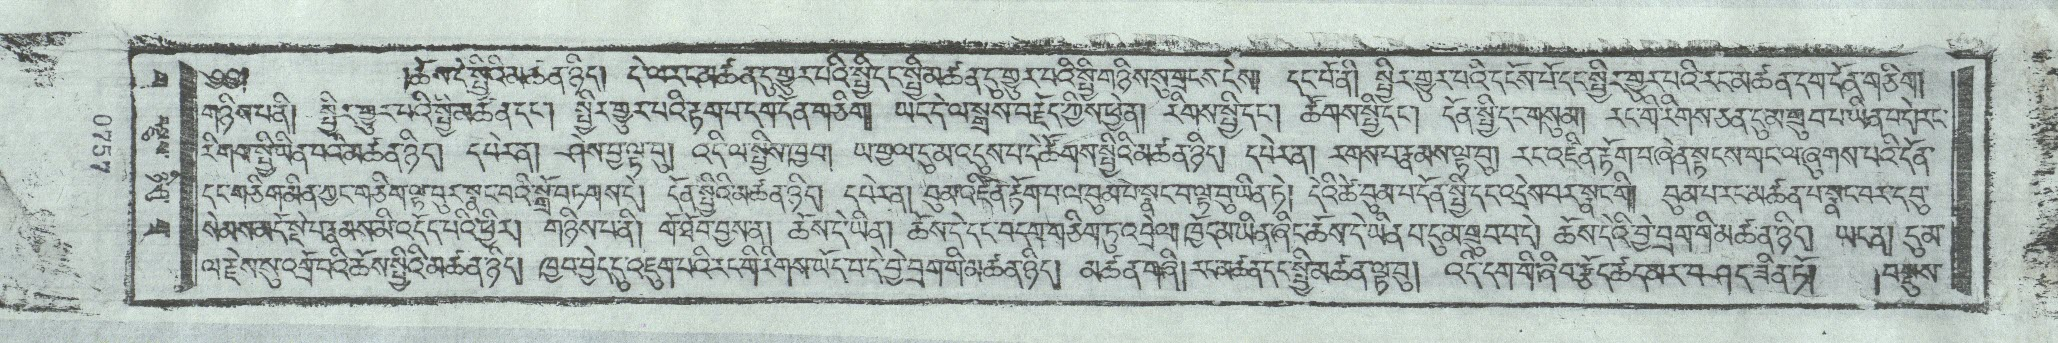༄༅། །ཆོས་དེ་སྤྱིའི་མཚན་ཉིད། དེ་ལ་རང་མཚན་དུ་གྱུར་པའི་སྤྱི་དང་སྤྱི་མཚན་དུ་གྱུར་པའི་སྤྱི་གཉིས་སུ་གྲངས་ངེས། དང་པོ་ནི། སྤྱིར་གྱུར་པའི་དངོས་པོ་དང་སྤྱིར་གྱུར་པའི་རང་མཚན་དག་དོན་གཅིག།
གཉིས་པ་ནི། སྤྱིར་གྱུར་པའི་སྤྱི་མཚན་དང་། སྤྱིར་གྱུར་པའི་རྟག་པ་དག་དོན་གཅིག། ཡང་དེ་ལ་སྒྲས་བརྗོད་ཀྱིས་ཕྱིན། རིགས་སྤྱི་དང་། ཚོགས་སྤྱི་དང་། དོན་སྤྱི་དང་གསུམ། རང་གི་རིགས་ཅན་དུ་མ་གྲུབ་པ་ཡིན་པ་དེ། རང་
རིགས་སྤྱི་ཡིན་པའི་མཚན་ཉིད། དཔེར་ན། ཤེས་བྱ་ལྟ་བུ། འདི་ལ་སྤྱིས་ཁྱབ། ཡ་གྱལ་དུ་མ་འདུས་པ་དེ་ཚོགས་སྤྱིའི་མཚན་ཉིད། དཔེར་ན། རགས་པ་རྣམས་ལྟ་བུ། རང་འཛིན་རྟོག་པ་ཞེན་སྟངས་གང་ལ་ཞུགས་པའི་དོན་
དང་གཅིག་མིན་ཀྱང་གཅིག་ལྟ་བུར་སྣང་བའི་སྒྲོ་བཏགས་དེ། དོན་སྤྱིའི་མཚན་ཉིད། དཔེར་ན། བུམ་འཛིན་རྟོག་པ་ལ་བུམ་པ་སྣང་བ་ལྟ་བུ་ཡིན་ཏེ། དེའི་ཚེ་བུམ་པ་དོན་སྤྱི་དང་འདྲེས་པར་སྣང་གི། བུམ་པ་རང་མཚན་པ་སྣང་བར་དབུ་
སེམས་མདོ་སྡེ་པ་རྣམས་མི་འདོད་པའི་ཕྱིར། གཉིས་པ་ནི། གོ་ཐོབ་བྱས་ན། ཆོས་དེ་ཡིན། ཆོས་དེ་དང་བདག་གཅིག་ཏུ་འབྲེལ། ཁྱོད་མ་ཡིན་ཞིང་ཆོས་དེ་ཡིན་པ་དུ་མ་གྲུབ་པ་དེ། ཆོས་དེའི་བྱེ་བྲག་གི་མཚན་ཉིད། ཡང་ན། དུ་མ་
ལ་རྗེས་སུ་འགྲོ་བའི་ཆོས་སྤྱིའི་མཚན་ཉིད། ཁྱབ་བྱེད་དུ་འཇུག་པའི་རང་གི་རིགས་ཡོད་པ་དེ་བྱེ་བྲག་གི་མཚན་ཉིད། མཚན་གཞི། རང་མཚན་དང་སྤྱི་མཚན་ལྟ་བུ། འདི་དག་གི་ཞིབ་རྩོད་ཚད་མར་བཤད་ཟིན་ཏོ། །བསྡུས་